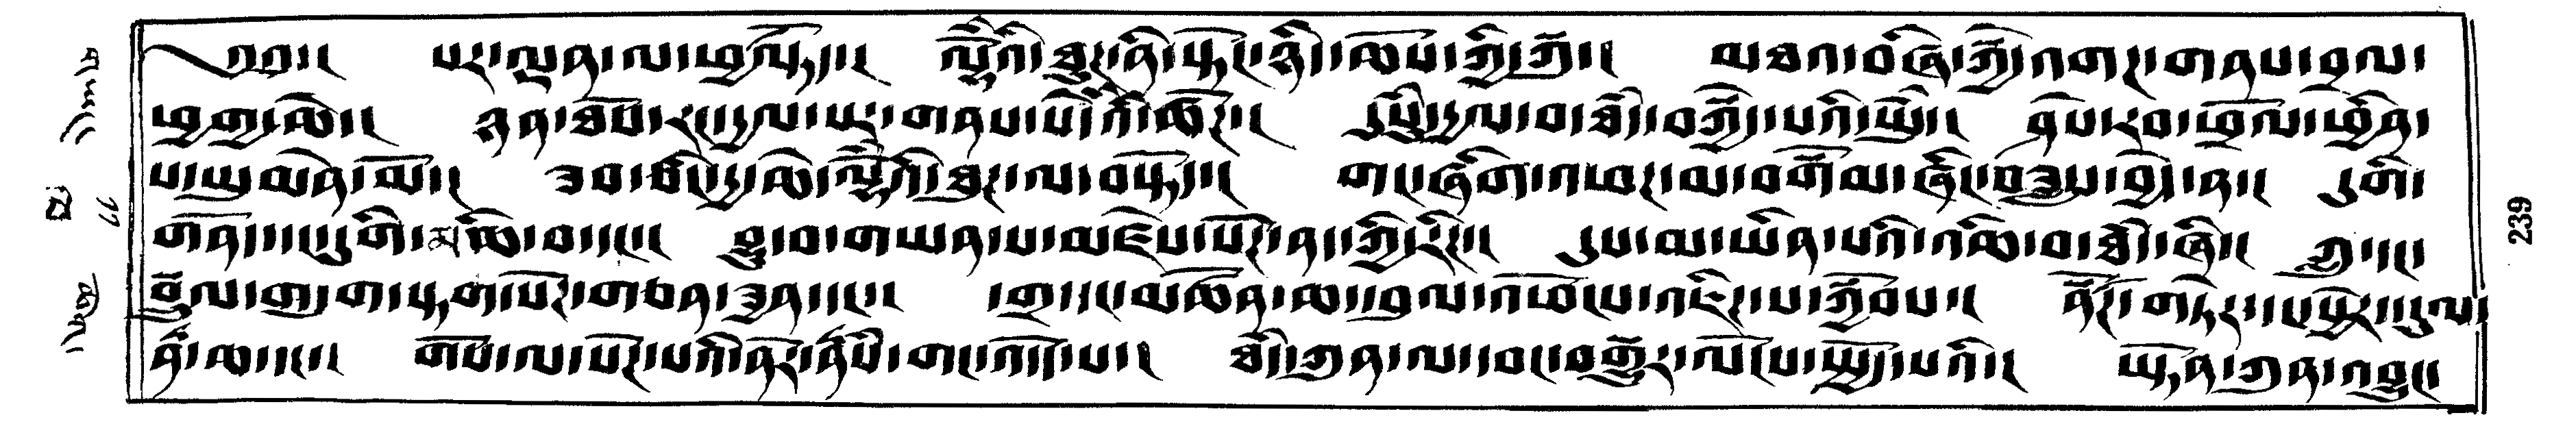པར་ལྡན་ལ་ཕྱག་འཚལ་ལོ། །ལྷ་མོའི་ཐུགས་ནི་སྟོང་ཉིད་ཆོས་ཀྱི་སྐུ། །མཐའ་བཞི་སྐྱེ་འགགས་གནས་བྲལ་
ཕྱག་རྒྱ་ཆེ། །ཉན་ཐོས་རང་རྒྱལ་སར་གནས་སེམས་དཔའི་ཚོགས། །དུས་གསུམ་རྒྱལ་བ་ཐམས་ཅད་བསྐྱེད་པའི་ཡུམ། །ཤེས་རབ་ཕ་རོལ་ཕྱིན་
པ་ཡུམ་ཆེན་མོ། །ཟབ་ཅིང་རྒྱ་ཆེ་ལྷ་མོའི་ཐུགས་ལ་བསྟོད། །གང་ཞིག་འཕགས་མ་བསྒོམ་ཞིང་བཟླ་བྱེད་ན། །དུག་གི་
གནོད་དང་དུག་གི་འཆི་བ་དང་། བྷྲུ་བ་གཡན་པ་མཛེ་སོགས་ནད་ཀྱི་རིགས། །དུས་མ་ཡིན་པའི་འཆི་བ་ཐམས་ཅད་ཞི། །ཀླུ་དང་
སྦྲུལ་གདུག་སྟག་སོགས་གཅན་གཟན་དང་། །དགྲ་དང་མཚོན་ཆ་དབུལ་ཕོངས་འཇིགས་པ་སྐྱོབ། །སྣ་ཚོགས་གཏེར་དང་གསེར་དངུལ་
སྣ་ཆ་དང་། །གོས་ལ་སོགས་པའི་ནོར་རྣམས་གང་འདོད་པ། །ཐམས་ཅད་ཀུན་ལ་དབང་བསྒྱུར་ལོངས་སྤྱོད་པའི། །ཡོན་ཏན་ཀུན་འབྱུང་